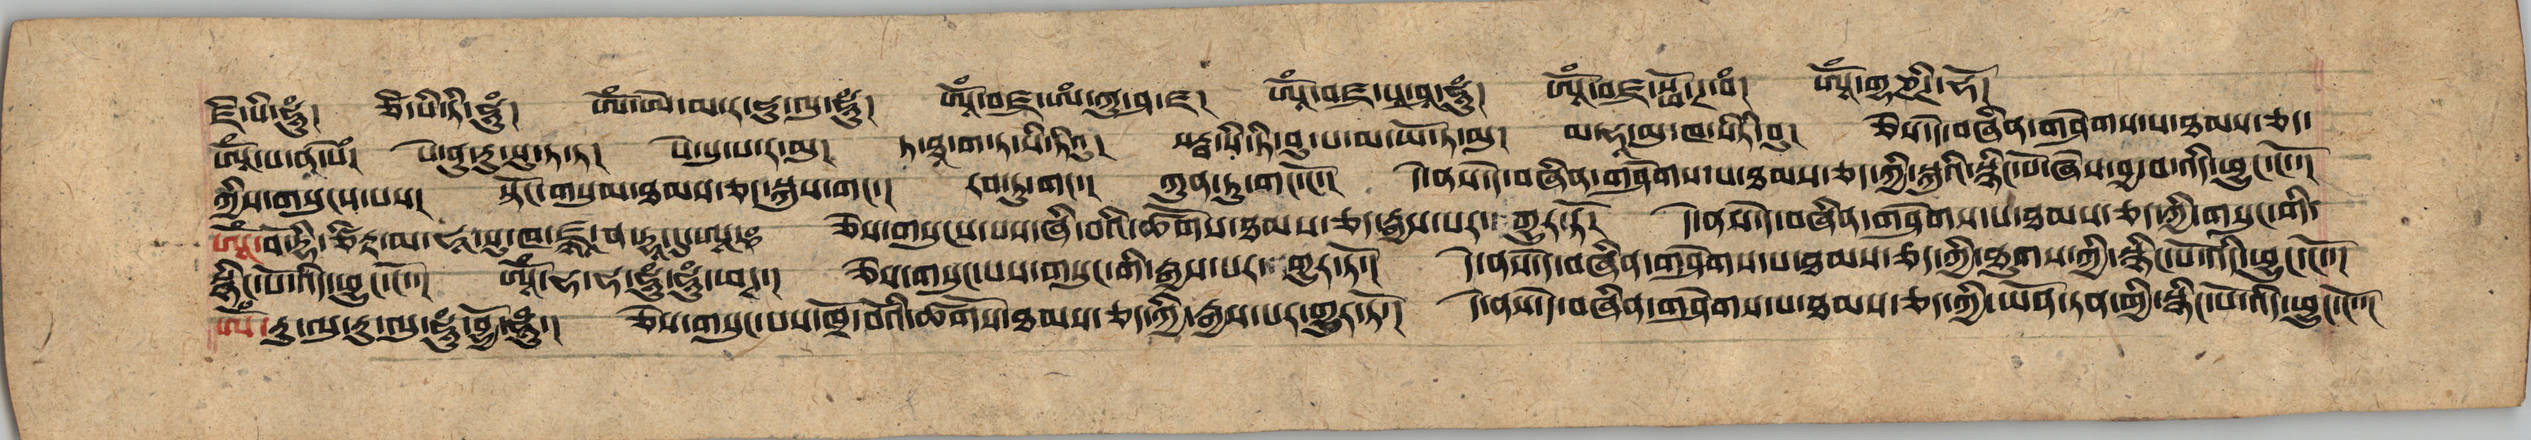ཛི་སི་ཧཱུཾ། ཙི་པི་ཏི་ཧཱུཾ། ཨོཾ་ཨེ་མ་ར་ཧུ་ལུ་ཧཱུཾ། ཨཱོཾ་བཛྲ་ཨཾ་ཀུ་ཤ་ཛ། ཨཱོཾ་བཛྲ་པཱ་ཤཱ་ཧཱུཾ། ཨཱོཾ་བཛྲ་སྥོ་ཊ་བཾ། ཨཱོཾ་གྷཎྚི་ཧོ།
ཨཱོཾ་པ་ནཱ་སེཾ། སེ་ནུ་རུ་སུ་ཏ་ཏ། སེ་པུ་པ་ར་མུ། ཏ་ཐཱ་ག་ཏ་སི་ཏིའུ། སརྦ་སི་ཏི་བུ་པ་མ་ཡོ་ཏ་མུ། མ་ཧཱ་མུ་ཁ་སིཏི་བུ། ཅེས་དེ་བཞིན་གཤེགས་པ་ཐམས་ཅད་
ཀྱིས་གསུངས་པས་། སྟོང་གསུམ་ཐམས་ཅད་སྐུས་གང་། རབ་ཏུ་གང་། ཀུན་ཏུ་གང་ངོ་། དེ་བཞིན་གཤེགས་པ་ཐམས་ཅད་ཀྱི་སྐུའི་སྙིང་པོ་ཞེས་བྱ་བ་འདི་ཕྱུང་ངོ་་།
ཨཱོཾ་བོ་དྷཱི་ཙིརྟ་མ་ཧཱ་སུ་ཁ་ཛྙཱ་ན་དྷཱ་དུ་ཨཱ་ཿ ཅེས་གསུངས་པས་ཞི་བའི་ཚོགས་ཐམས་ཅད་རྒྱས་པར་ གྱུར་ཏོ། དེ་ནས་དེ་བཞིན་གཤེགས་པ་ཐམས་ཅད་ཀྱི་གསུང་གི་
སྙིང་པོ་འདི་ཕྱུང་ངོ་་། ཨཱོཾ་ཧ་ཧ་ཧཱུཾ་ཧཱུཾ་ཕཊ་། ཅེས་གསུང་པས་གསུང་གི་རྒྱས་པར་འགྱུར་ཏོ་། དེ་ནས་དེ་བཞིན་གཤེགས་པ་ཐམས་ཅད་ཀྱི་ཐུགས་ཀྱི་སྙིང་པོ་འདི་ཕྱུང་ངོ་་།
ཨོཾ་རུ་ལུ་རུ་ལུ་ཧཱུཾ་བྷྱོ་ཧཱུཾ་། ཅེས་གསུང་པས་ཁྲོ་བོའི་ཚོགས་ཐམས་ཅད་ཀྱི་རྒྱས་པར་གྱུར་ཏོ་། དེ་ནས་དེ་བཞིན་གཤེགས་པ་ཐམས་ཅད་ཀྱི་ཡོན་ཏན་གྱི་སྙིང་པོ་འདི་ཕྱུང་ངོ་་།